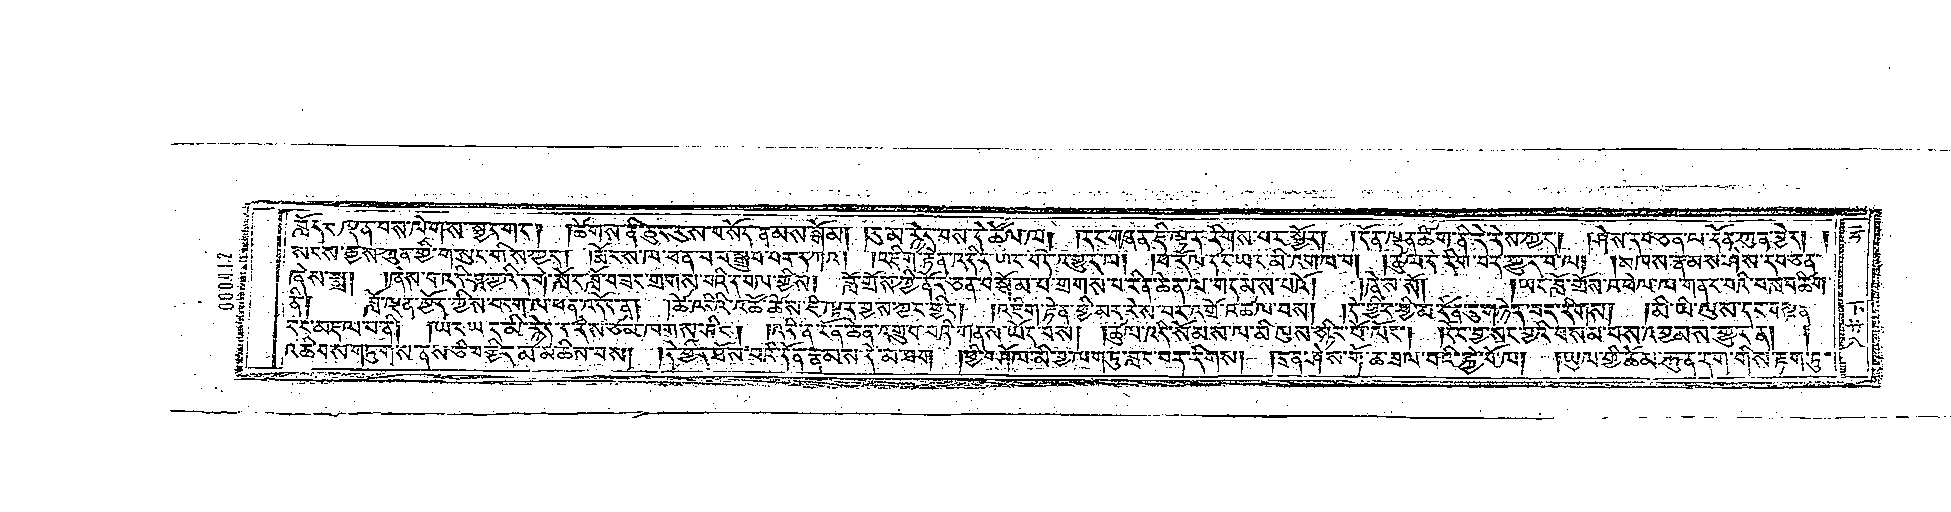བློ་དང་ལྡན་བས་ལེགས་སྤྱད་གང་། །ཚོགས་ནི་ཆུང་ངུས་བསོད་ནམས་སྒོམ། །དུ་མ་རྙེད་བས་དེ་ཚོལ་ལ། །རང་གཞན་ཇི་ལྟར་རིགས་པར་སྦྱོར། །དོན་ལྡན་ཚིག་ནི་རེ་རེས་ཀྱང་། །ཤེས་རབ་ཅན་ལ་དོན་ཀུན་བྱེད། །
སངས་རྒྱས་ཀུན་གྱི་གསུང་གིས་ཀྱང་། །རྨོངས་ལ་ཕན་པ་བསྒྲུབ་པར་དཀའ། །འཇིག་རྟེན་འདིར་ཡང་བདེ་འགྱུར་ལ། །ཕ་རོལ་དང་ཡང་མི་འགལ་བ། །ཚུལ་དེ་རིག་བར་གྱུར་བ་ལ། །མཁས་རྣམས་ཤེས་རབ་ཅན་
ཞེས་སྨྲ། །ཞེས་པ་འདི་ཤཱཀྱའི་དགེ་སློང་བློ་བཟང་གྲགས་པའི་དཔལ་གྱིས། བློ་གྲོས་ཀྱི་ནོར་ཅན་བསྒོམ་པ་གྲགས་པ་རིན་ཆེན་ལ་གདམས་པའོ། །ཞེས་སོ། །ཡང་བློ་གྲོས་འཕེལ་ལ་གནང་བའི་བསླབ་ཚིག་
ནི། བློ་ལྡན་ཁྱོད་ཀྱིས་བདག་ལ་ཕན་འདོད་ན། །ཚེ་འདིའི་འཚོ་ཚིས་ཇི་ལྟར་བྱས་ཀྱང་ཕྱིར། །འཇིག་རྟེན་ཕྱི་མར་ངེས་བར་འགྲོ་འཚལ་བས། །དེ་ཕྱིར་ཕྱི་མ་དོན་དུ་གཉེར་བར་རིགས། །མི་ཡི་ལུས་དང་བསྟན་
དང་མཇལ་བ་ནི། །ཡང་ཡང་མི་རྙེད་ད་རེས་ཙམ་ཁགས་ཤིང་། །འདི་ན་དོན་ཆེན་འགྲུབ་པའི་གནས་ཡོད་པས། །ཚུལ་འདི་སོམས་ལ་མི་ལུས་སྙིང་པོ་ལོང་། །དེང་བྱ་སང་བྱའི་བསམ་པས་འབྱམས་གྱུར་ན། །
འཆིབས་གཏུགས་ནས་ཅི་བརྒྱིར་མ་མཆིས་བས། །དེ་ཕྱིར་ཐོས་བའི་དོན་རྣམས་དེ་མ་ཐག །ཕྱི་བཤོལ་མི་བྱ་ལག་ཏུ་བླང་བར་རིགས། །དྲན་ཤེས་གོ་ཆ་བྲལ་བའི་སྐྱེ་བོ་ལ། །ཡུལ་གྱི་ཆོམ་རྐུན་རག་གིས་རྟག་ཏུ་